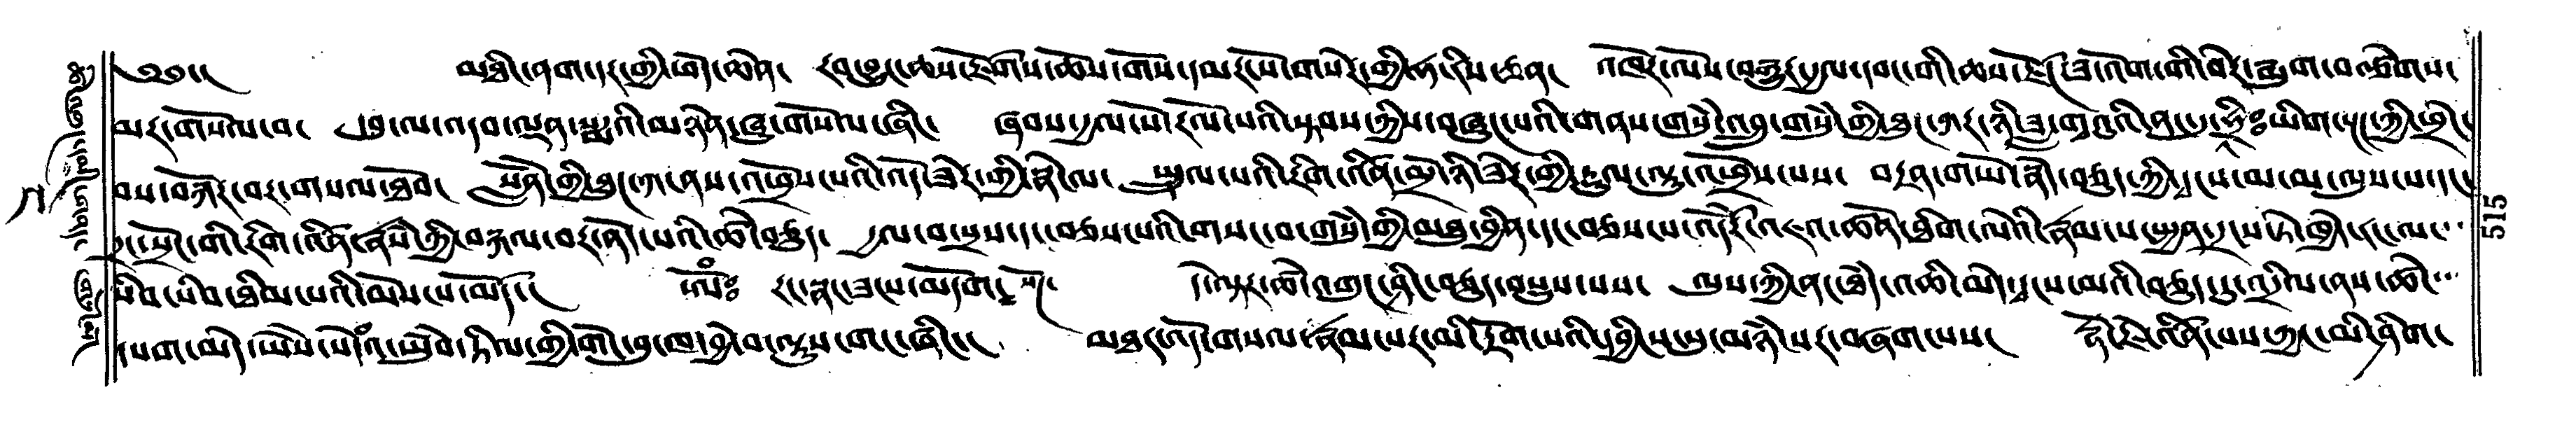མཐིང་ནག་དར་གྱི་ཕོད་ཆེན། རབ་བྱུང་ཆས་རྫོགས་ཆོས་གོས་དམར་པོ་གསེར་གྱི་ཧ་རིས་ཅན། འཁོར་ལོས་བསྒྱུར་རྒྱལ་དབང་གི་ཆས་རྫོགས་ཟ་འོག་གི་བེར་སྨུག་བརྩེགས་
མར་གསོལ་བ། དབུ་ལ་འདབ་ལྡན་པདྨའི་མཉེན་ཞུ་གསོལ་ཞིང་། ཞབས་རྒྱལ་པོ་རོལ་པའི་སྟབས་ཀྱིས་བཞུགས་པའི་གནས་གསུམ་འབྲུ་གསུམ་གྱི་ཐུགས་ཀར་ཉི་ཟླ་གྭའུའི་ནང་དུ་ཧྲཱིཿཡིག་སྔགས་ཀྱི་ཕྲེང་
བས་བསྐོར་བར་གསལ་ཐོབ། སློབ་དཔོན་གྱི་ཐུགས་ཀ་ནས་འཕྲོས་པའི་འོད་ཟེར་གྱི་སྣེ་ལ། སྤྲུལ་པའི་རིག་འཛིན་མཁའ་འགྲོ་ཉི་ཟེར་གྱི་རྡུལ་ལྟ་བུ་འཕྲོས་པས།བརྟན་གཡོ་སྣོད་བཅུད་ཀྱི་དྭངས་མ་མ་ལུས་པ་དང་། 
དྲང་སྲོང་གི་རིག་འཛིན་རྣམས་ཀྱི་བསྐལ་བར་ནོད་པའི་ཚེ་བཅུད། རྒྱལ་བ་སྲས་དང་བཅས་པའི་གསང་བ་གསུམ་གྱི་མཐུ་བྱིན་དང་བཅས་པ་འོད་ཟེར་འཇའ་ཚོན་ཐིག་ལེའི་རྣམ་པ་སྤྱན་དྲངས་ཏེ་ཁྱེད་རང་ལ་
སིབ་སིབ་ཐིམ་པའི་མོས་པ་མཛོད། ཨོཾ༔ རང་སྣང་ཟངས་མདོག༴ སོགས། དེ་ལྟར་ཚེ་འགུགས་ཤིང་བཅུད་བསྡུས་པས། ལུས་ཀྱི་ནང་ཐམས་ཅད་འཆི་མེད་དྭངས་མའི་བཅུད་དུ་འདྲིལ་ནས་ཚེ་
དཔག་མེད་ཡེ་ཤེས་སེམས་དཔའ་ཏིལ་གྱི་གང་བུ་ཁ་ཕྱེ་བ་ལྟ་བུས་གང་ཞིང་། མཐར་འོད་གསལ་རྣམ་པར་མི་རྟོག་པའི་དབྱིངས་སུ་མཉམ་པར་བཞག་པས། རྡོ་རྗེ་འཛིན་པས་ཀྱང་མི་ཤིག་